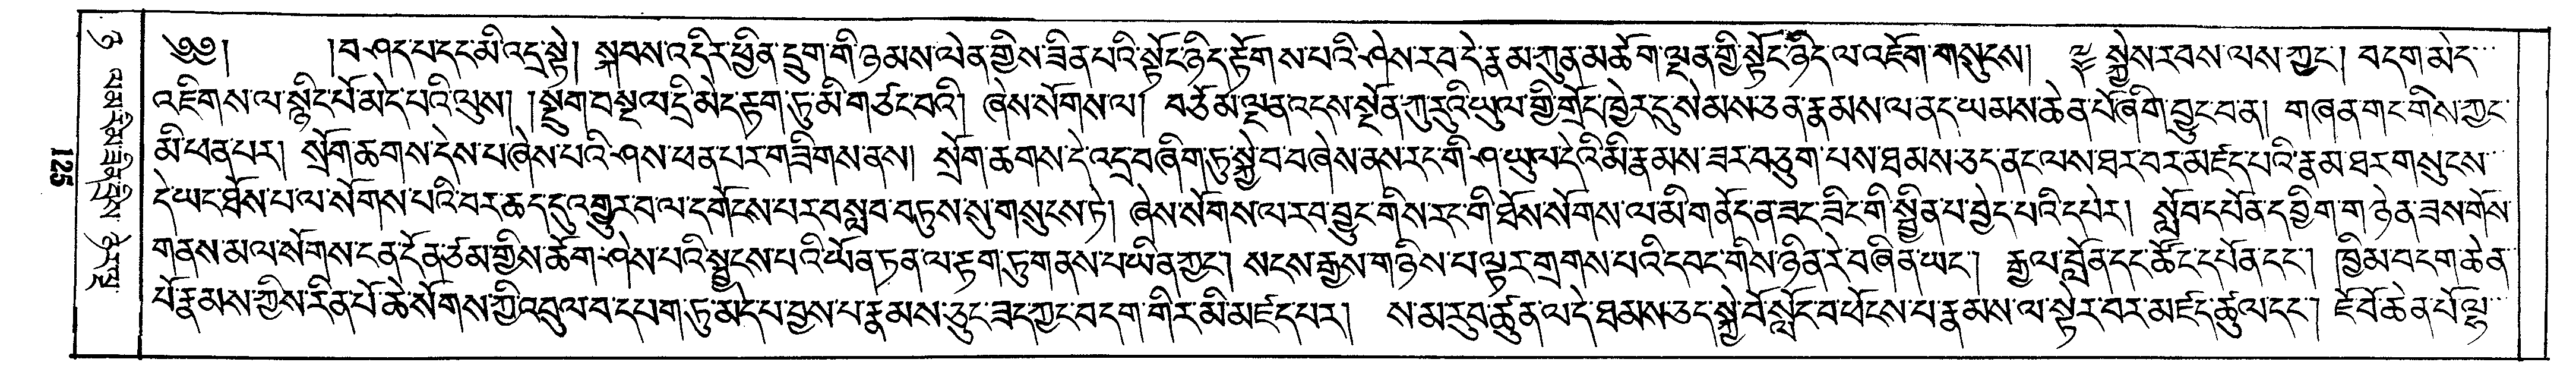༄༅། །བཤད་པ་དང་མི་འདྲ་སྟེ། སྐབས་འདིར་ཕྱིན་དྲུག་གི་ཉམས་ལེན་གྱིས་ཟིན་པའི་སྟོང་ཉིད་རྟོགས་པའི་ཤེས་རབ་དེ་རྣམ་ཀུན་མཆོག་ལྡན་གྱི་སྟོང་ཉིད་ལ་འཇོག་གསུངས། ༈ སྐྱེས་རབས་ལས་ཀྱང་། བདག་མེད་
འཇིགས་ལ་སྙིང་པོ་མེད་པའི་ལུས། །སྡུག་བསྔལ་དྲི་མེད་རྟག་ཏུ་མི་གཙང་བའི། ཞེས་སོགས་ལ། བཅོམ་ལྡན་འདས་སྔོན་ཀུ་རུའི་ཡུལ་གྱི་གྲོང་ཁྱེར་དུ་སེམས་ཅན་རྣམས་ལ་ནད་ཡམས་ཆེན་པོ་ཞིག་བྱུང་བ་ན། གཞན་གང་གིས་ཀྱང་
མི་ཕན་པར། སྲོག་ཆགས་ངེས་པ་ཞེས་པའི་ཤས་ཕན་པར་གཟིགས་ནས། སྲོག་ཆགས་དེ་འདྲ་བ་ཞིག་ཏུ་སྐྱེ་བ་བཞེས་ནས་རང་གི་ཤ་ཡུལ་དེའི་མི་རྣམས་ཟར་བཅུག་པས་ཐམས་ཅད་ནང་ལས་ཐར་བར་མཛད་པའི་རྣམ་ཐར་གསུངས།
དེ་ཡང་ཐོས་པ་ལ་སོགས་པའི་བར་ཆད་དུ་འགྱུར་བ་ལ་དགོངས་པར་བསླབ་བཏུས་སུ་གསུངས་ཏེ། ཞེས་སོགས་ལ་རབ་བྱུང་གིས་རང་གི་ཐོས་སོགས་ལ་མི་གནོད་ན་ཟང་ཟིང་གི་སྦྱིན་པ་བྱེད་པའི་དཔེར། སློབ་དཔོན་དབྱིག་གཉེན་ཟས་གོས་
གནས་མ་ལ་སོགས་ངན་ངོན་ཙམ་གྱིས་ཆོག་ཤེས་པའི་སྦྱངས་པའི་ཡོན་ཏན་ལ་རྟག་ཏུ་གནས་པ་ཡིན་ཀྱང་། སངས་རྒྱས་གཉིས་པ་ལྟར་གྲགས་པའི་དབང་གིས་ཉིན་རེ་བཞིན་ཡང་། རྒྱལ་བློན་དང་ཚོང་དཔོན་དང་། ཁྱིམ་བདག་ཆེན་
པོ་རྣམས་ཀྱིས་རིན་པོ་ཆེ་སོགས་ཀྱི་འབུལ་བ་དཔག་ཏུ་མེད་པ་བྱས་པ་རྣམས་ཅུང་ཟད་ཀྱང་བདག་གིར་མི་མཛད་པར། ས་མ་རུབ་ཚུན་ལ་དེ་ཐམས་ཅད་སྐྱེ་བོ་སློང་བ་ཕོངས་པ་རྣམས་ལ་སྟེར་བར་མཛད་ཚུལ་དང་། ཇོ་བོ་ཆེན་པོ་ལྷ་